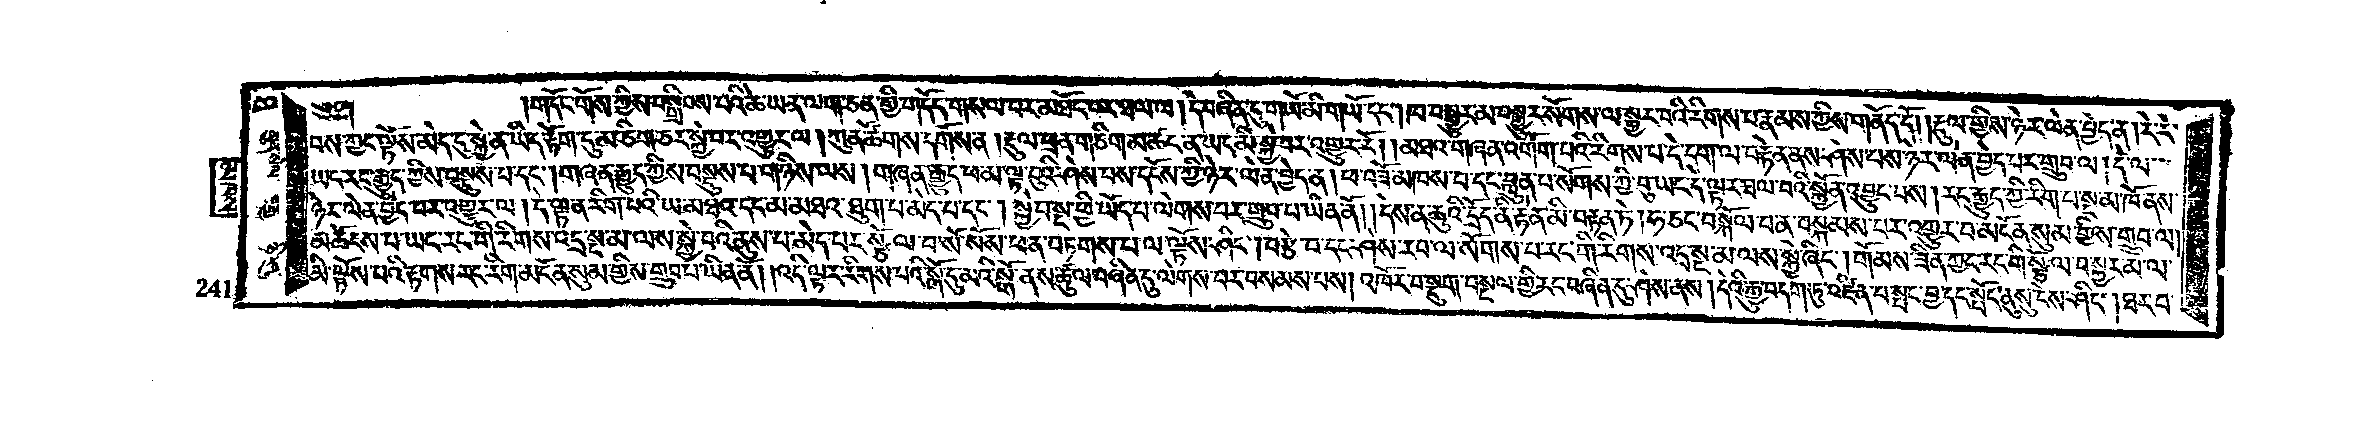༄༅། །གདོང་གོས་ཀྱིས་བསྒྲིབས་པའི་ཆ་ཡན་ལག་ཅན་གྱི་གདོང་གསལ་བར་མཐོང་བར་ཐལ་ལ། དེ་བཞིན་དུ་གཡོ་མི་གཡོ་དང་།ཁ་བསྒྱུར་མ་བསྒྱུར་སོགས་ལ་སྦྱར་བའི་རིགས་པ་རྣམས་ཀྱིས་གནོད་དོ། །རྡུལ་གྱིས་ཉེར་ལེན་ཕྱེད་ན། རེ་རེ་
བས་ཀྱང་ལྟོས་མེད་དུ་སྐྱེ་ན་ཡིད་རྟོག་དུ་མ་ཅིག་ཅར་སྐྱེ་བར་འགྱུར་ལ། ཀུན་ཚོགས་དགོས་ན། རྡུལ་ཕྲན་གཅིག་མ་ཚང་ན་ཡང་མི་སྐྱེ་བར་འགྱུར་རོ། །མཐའ་གཞན་འགོག་པའི་རིགས་པ་དེ་དག་ལ་བརྟེན་ནས་ཤེས་པས་ཉེར་ལེན་བྱེད་པར་གྲུབ་ལ། དེ་ལ་
ཡང་རང་རྒྱུད་ཀྱིས་བསྡུས་པ་དང་།གཞན་རྒྱུད་ཀྱིས་བསྡུས་པ་གཉིས་ལས། གཞན་རྒྱུད་ཕ་མ་ལྟ་བུའི་ཤེས་པས་དངོས་ཀྱི་ཉེར་ལེན་བྱེད་ན། ཕ་བཟོ་མཁས་པ་དང་བླུན་པ་སོགས་ཀྱི་བུ་ཡང་དེ་ལྟར་ཐལ་བའི་སྐྱོན་འབྱུང་པས། རང་རྒྱུད་ཀྱི་རིག་པ་སྔ་མ་ཁོ་ནས་
ཉེར་ལེན་བྱེད་པར་འགྱུར་ལ། དེ་ལྟ་ན་རིག་པའི་ཡ་མཐའ་དང་མ་མཐའ་ཐུག་པ་མེད་པ་དང་།སྐྱེ་བ་སྔ་ཕྱི་ཡོད་པ་ལེགས་པར་གྲུབ་པ་ཡིན་ནོ། །དེས་ན་ཆུའི་དྲོད་ནི་རྟེན་མི་བརྟན་ཏེ། ཧ་ཅང་བསྐོལ་བ་ན་བསྐམས་པར་འགྱུར་བ་མངོན་སུམ་གྱིས་གྲུབ་ལ།
མཆོངས་པ་ཡང་རང་གི་རིགས་འདྲ་སྔ་མ་ལས་སྐྱེ་བའི་ནུས་པ་མེད་པར་སྩོལ་བ་སོ་སོས་ཕན་བཏགས་པ་ལ་ལྟོས་ཤིང་།བརྩེ་བ་དང་ཤེས་རབ་ལ་སོགས་པ་རང་གི་རིགས་འདྲ་སྔ་མ་ལས་སྐྱེ་ཞིང་།གོམས་ཟིན་ཀྱང་རང་གི་སྩོལ་བ་སྐྱར་མ་ལ་
མི་ལྟོས་པའི་རྟགས་རང་རིག་མངོན་སུམ་གྱིས་གྲུབ་པ་ཡིན་ནོ། །འདི་ལྟར་རིགས་པའི་སྒོ་དུ་མའི་སྒོ་ནས་ཚུལ་བཞིན་དུ་ལེགས་པར་བསམས་པས། འཁོར་བ་སྡུག་བསྔལ་གྱི་རང་བཞིན་དུ་ཤེས་ནས། དེའི་རྒྱུ་བདག་ཏུ་འཛིན་པ་སྤང་བྱ་དང་སྤོང་ནུས་སུ་ངེས་ཤིང་།ཐར་པ་